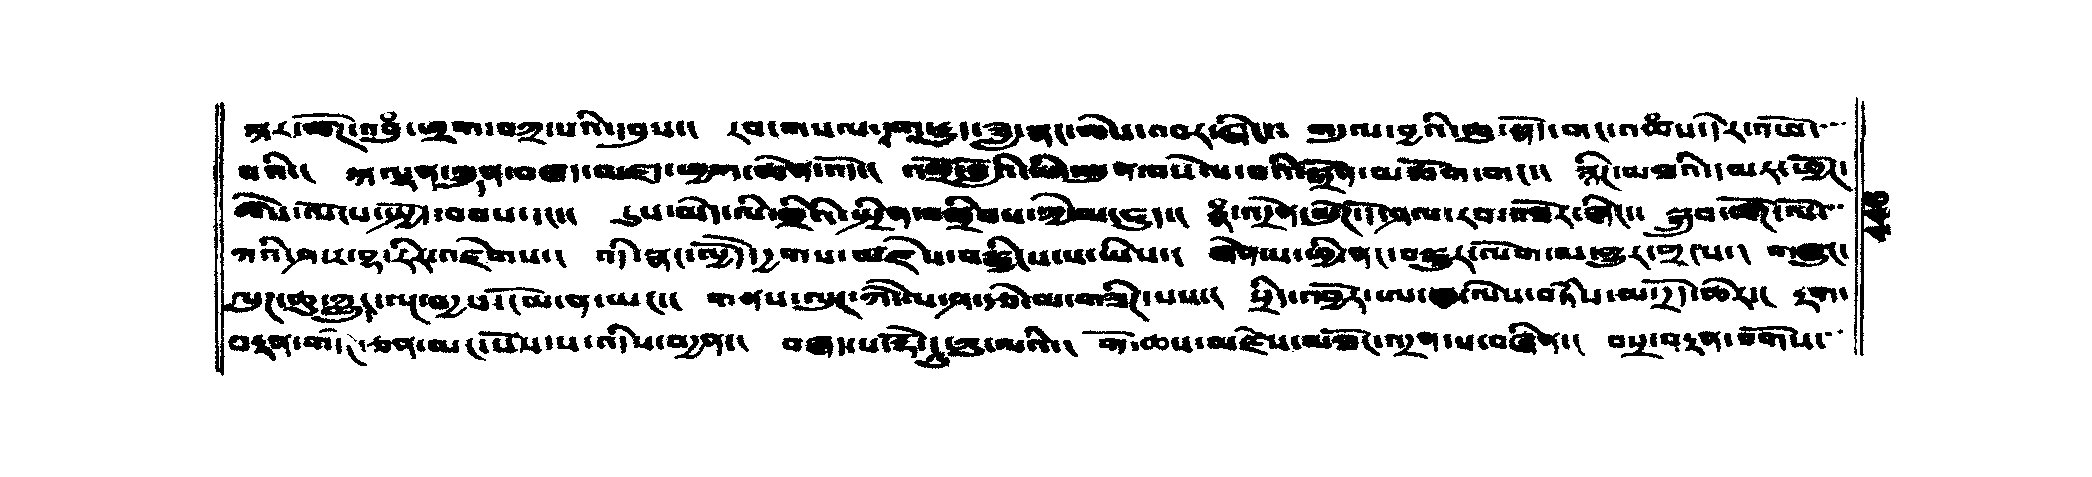སྐྲ་ཚོགས་འབུམ་ཕྲག་བཀྲ་བའི་དབུས། །རབ་གསལ་བདག་རྒྱུད་ཟླ་སྣང་ཆེས་འབར་ཞིང་། གདུལ་བྱའི་ཆུ་སྣོད་གང་འཚམས་དེར་འཕོ་
བའི། །སྐལ་ལྡན་ཀུན་་་་་་་་་་་བཞད་མཛད་ཕྱག་ཆེན་འོད། །འགྲོ་བློའི་ཡིད་མུན་བསལ་བའི་སྒྲོན་མཆོག་གང་། །སྙིགས་མཐའི་དམར་ཕྱོགས་
ཚེས་ལོངས་སྤྱོད་བབས་དང་། དེས་མེད་ལི་ཁྲིའི་སྤྲིན་བསྒྲིབས་ཀྱེ་མ་ཧུད། །རྣམ་འདྲེན་མུ་སྟེགས་དོ་ཤལ་རབ་འཐོར་ཞིང་། །སྒྲུབ་ཚོགས་ལོ་
ཀའི་ཤ་ར་བྷ་རིར་འཛེགས། །འདི་སྣང་ལོངས་སྤྱོད་རྒྱགས་མཛེས་བསྒྱིངས་པ་ཡིས། །ཞེན་པ་ཕྱི་ནང་བསྒྱུར་ལོག་མ་གྱུར་གྲལ། །གཞུང་
ལུགས་ཆུ་ཀླུང་ལྔ་བརྒྱའི་ངོམ་ན་ཡང་། །གནས་ལུགས་ཀཻ་ལ་ཤ་རྩེ་མ་གཟིགས་པས། །སྲིད་འབྱོར་ཨ་ཝ་ལེས་བཏམས་མ་དྲོད་ཆེར། །རྟག་
བརྟན་གདེངས་ཅན་མང་པོས་ས་འདིས་བརྒྱན། །བཞད་པ་རྡོ་རྗེ་འུ་ཀུ་ལའི། །གོ་ཆས་མཛེས་མཐོང་དྲན་པ་བཞིན། །སྲ་བརྟན་བགོས་